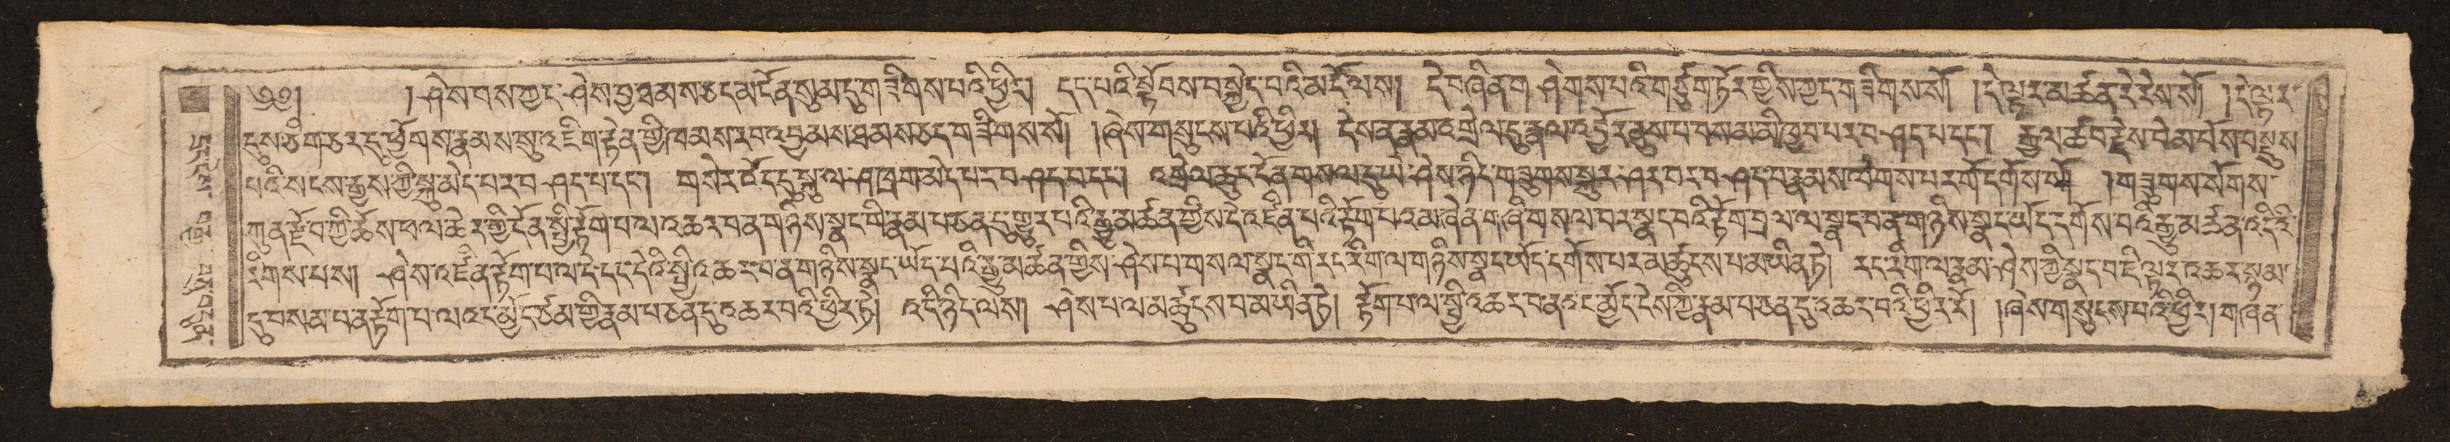༄༅། །ཤེས་པས་ཀྱང་ཤེས་བྱ་ཐམས་ཅད་མངོན་སུམ་དུ་གཟིགས་པའི་ཕྱིར། དད་པའི་སྟོབས་བསྐྱེད་པའི་མདོ་ལས། དེ་བཞིན་གཤེགས་པའི་གཙུག་ཏོར་གྱིས་ཀྱང་གཟིགས་སོ། །དེ་ལྟར་མཚན་རེ་རེས་སོ། །དེ་ལྟར་
དུས་ཅིག་ཅར་དུ་ཕྱོགས་རྣམས་སུ་འཇིག་རྟེན་གྱི་ཁམས་རབ་འབྱམས་ཐམས་ཅད་གཟིགས་སོ། །ཞེས་གསུངས་པའི་ཕྱིར། དེས་ན་རྣམ་འགྲེལ་དུ་རྣལ་འབྱོར་ནུས་པ་བསམ་མི་ཁྱབ་པར་བཤད་པ་དང་། རྒྱལ་ཚབ་རྗེས་བེམ་པོས་བསྡུས་
པའི་སངས་རྒྱས་ཀྱི་སྐུ་མེད་པར་བཤད་པ་དང་། གསེར་འོད་དུ་སྐུ་ལ་ཤ་ཁྲག་མེད་པར་བཤད་པ་དང་། འགྲེལ་ཆུང་དོན་གསལ་དུ་ཡེ་ཤེས་ཉིད་གཟུགས་སྐུར་ཤར་བར་བཤད་པ་རྣམས་ལེགས་པར་གོ་དགོས་སོ། །གཟུགས་སོགས་
ཀུན་རྫོབ་ཀྱི་ཆོས་ཕལ་ཆེར་གྱི་དོན་སྤྱི་རྟོག་པ་ལ་འཆར་བ་ན་གཉིས་སྣང་གི་རྣམ་པ་ཅན་དུ་གྱུར་པའི་རྒྱུ་མཚན་གྱིས་དེ་འཛིན་པའི་རྟོག་པའམ་ཞེན་གཞི་གསལ་བར་སྣང་བའི་རྟོག་བྲལ་ལ་སྣང་བ་ན་གཉིས་སྣང་ཡོད་དགོས་པའི་རྒྱུ་མཚན་འདིའི་
རིགས་པས། ཤེས་འཛིན་རྟོག་པ་ལ་དེ་དང་དེའི་སྤྱི་འཆར་བ་ན་གཉིས་སྣང་ཡོད་པའི་རྒྱུ་མཚན་གྱིས་ཤེས་པ་གསལ་སྣང་གི་རང་རིག་ལ་གཉིས་སྣང་ཡོད་དགོས་པར་མཚུངས་པ་མ་ཡིན་ཏེ། རང་རིག་ལ་རྣམ་ཤེས་ཀྱི་སྣང་བ་ཇི་ལྟར་འཆར་སྙམ་
དུ་བསམ་པ་ན་རྟོག་པ་ལའང་མྱོང་ཙམ་གྱི་རྣམ་པ་ཅན་དུ་འཆར་བའི་ཕྱིར་ཏེ། འདི་ཉིད་ལས། ཤེས་པ་ལ་མཚུངས་པ་མ་ཡིན་ཏེ། རྟོག་པ་ལ་སྤྱི་འཆར་བ་ནའང་མྱོང་ངེས་ཀྱི་རྣམ་པ་ཅན་དུ་འཆར་བའི་ཕྱིར་རོ། །ཞེས་གསུངས་པའི་ཕྱིར། གཞན་